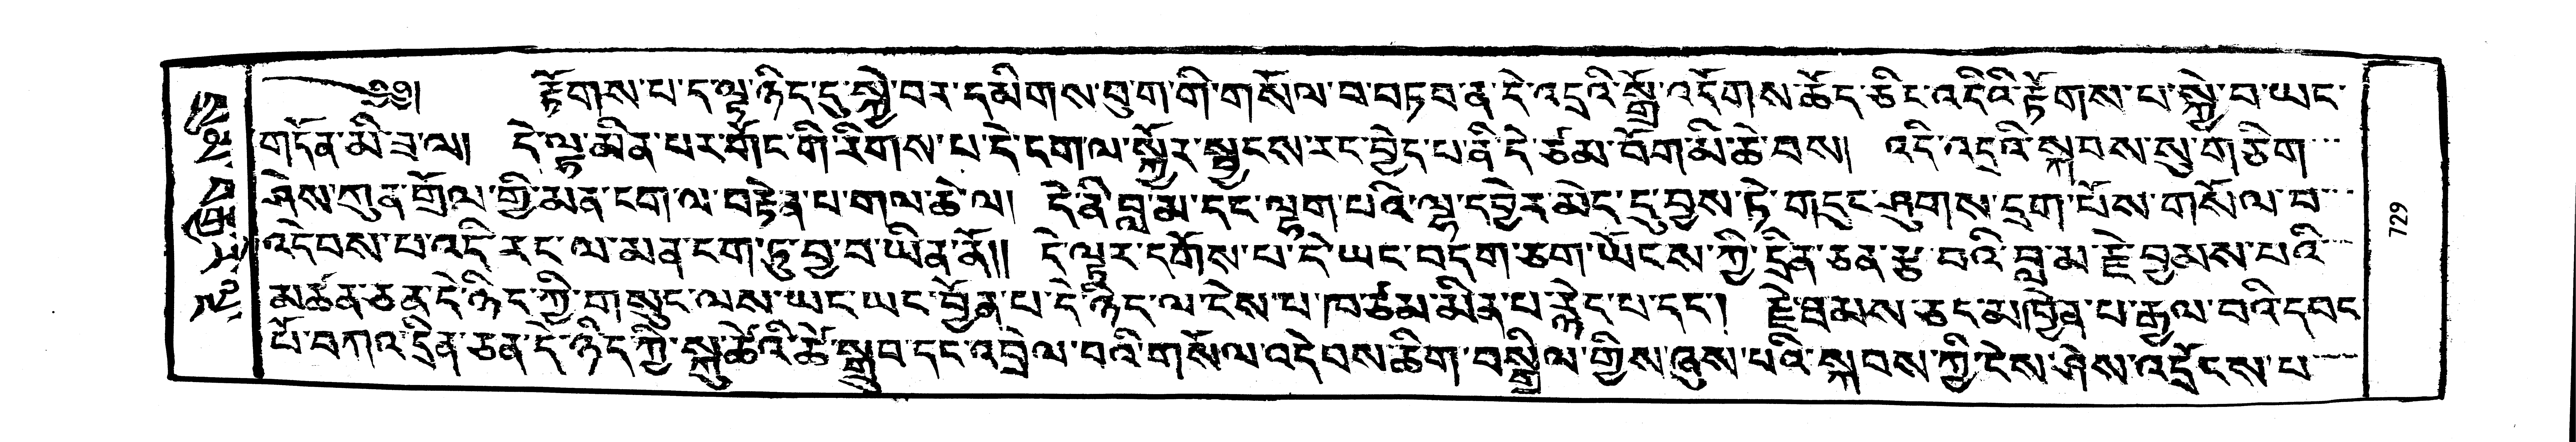༄༅། །རྟོགས་པ་ད་ལྟ་ཉིད་དུ་སྐྱེ་བར་དམིགས་བུ་ག་གི་གསོལ་བ་བཏབ་ན་དེ་འདྲའི་སྒྲོ་འདོགས་ཆོད་ཅིང་འདིའི་རྟོགས་པ་སྐྱེ་བ་ཡང་
གདོན་མི་ཟ་ལ། དེ་ལྟ་མིན་པར་གོང་གི་རིགས་པ་དེ་དག་ལ་སྐྱོར་སྦྱངས་རང་བྱེད་པ་ནི་དེ་ཙམ་བོག་མི་ཆེ་བས། འདི་འདྲའི་སྐབས་སུ་གཅིག་
ཤེས་ཀུན་གྲོལ་གྱི་མན་ངག་ལ་བརྟེན་པ་གལ་ཆེ་ལ། དེ་ནི་བླ་མ་དང་ལྷག་པའི་ལྷ་དབྱེར་མེད་དུ་བྱས་ཏེ་གདུང་ཤུགས་དྲག་པོས་གསོལ་བ་
འདེབས་པ་འདི་རང་ལ་མན་ངག་ཏུ་བྱ་བ་ཡིན་ནོ། །དེ་ལྟར་དགོས་པ་དེ་ཡང་བདག་ཅག་ཡོངས་ཀྱི་དྲིན་ཅན་རྩ་བའི་བླ་མ་རྗེ་བྱམས་པའི་
མཚན་ཅན་དེ་ཉིད་ཀྱི་གསུང་ལས་ཡང་ཡང་བྱོན་པ་དེ་ཉིད་ལ་ངེས་པ་ཁ་ཙམ་མིན་པ་རྙེད་པ་དང་། རྗེ་ཐམས་ཅད་མཁྱེན་པ་རྒྱལ་བའི་དབང་
པོ་བཀའ་དྲིན་ཅན་དེ་ཉིད་ཀྱི་སྐུ་ཚེའི་ཚེ་སྒྲུབ་དང་འབྲེལ་བའི་གསོལ་འདེབས་ཆིག་བསྒྲིལ་གྱིས་ཞུས་པའི་སྐབས་ཀྱི་ངེས་ཤེས་འདྲོངས་པ་